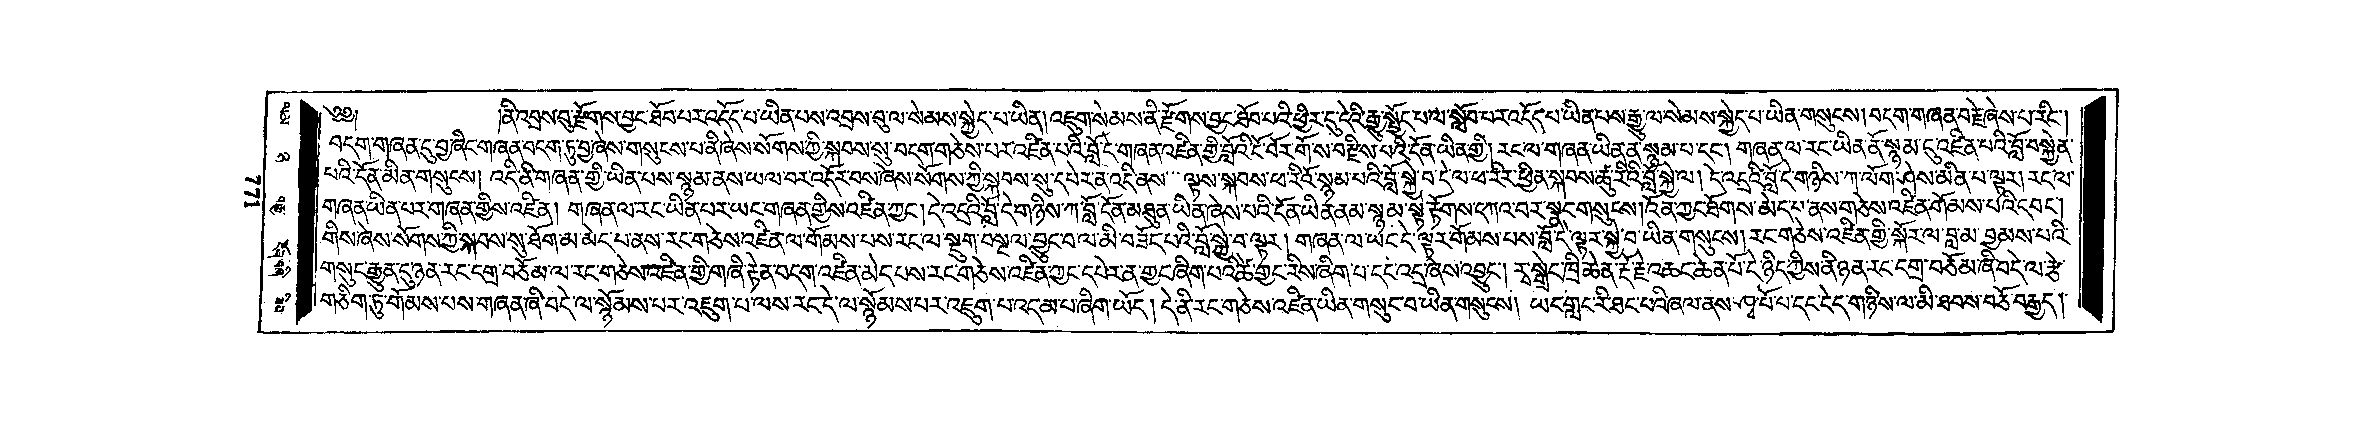༄༅། །ནི་འབྲས་བུ་རྫོགས་བྱང་ཐོབ་པར་འདོད་པ་ཡིན་པས་འབྲས་བུ་ལ་སེམས་སྐྱེད་པ་ཡིན། འཇུག་སེམས་ནི་རྫོགས་བྱང་ཐོབ་པའི་ཕྱིར་དུ་དེའི་རྒྱུ་སྤྱོད་པ་ལ་སློབ་པར་འདོད་པ་ཡིན་པས་རྒྱུ་ལ་སེམས་སྐྱེད་པ་ཡིན་གསུངས། བདག་གཞན་བརྗེ་ཞེས་པ་རིང་།
བདག་གཞན་དུ་བྱ་ཞིང་གཞན་བདག་ཏུ་བྱ་ཞེས་གསུངས་པ་ནི་ཞེས་སོགས་ཀྱི་སྐབས་སུ་བདག་གཅེས་པར་འཛིན་པའི་བློ་དེ་གཞན་འཛིན་གྱི་བློའི་ངོ་བོར་གོ་ས་བརྫིས་པའི་དོན་ཡིན་གྱི། རང་ལ་གཞན་ཡིན་ནོ་སྙམ་པ་དང་། གཞན་ལ་རང་ཡིན་ནོ་སྙམ་དུ་འཛིན་པའི་བློ་བསྐྱེན་
པའི་དོན་མིན་གསུངས། འདི་ནི་གཞན་གྱི་ཡིན་པས་སྙམ་ནས་ཡལ་བར་འདོར་བས་ཞེས་སོགས་ཀྱི་སྐབས་སུ་དཔེར་ན་འདི་ནས་ལྟས་སྐབས་ཕ་རིའོ་སྙམ་པའི་བློ་སྐྱེ་བ་དེ་ལ་ཕ་རིར་ཕྱིན་སྐབས་ཚུ་རིའི་བློ་སྐྱེ་ལ། དེ་འདྲའི་བློ་དེ་གཉིས་ཀ་ལོག་ཤེས་མིན་པ་ལྟར། རང་ལ་
གཞན་ཡིན་པར་གཞན་གྱིས་འཛིན། གཞན་ལ་རང་ཡིན་པར་ཡང་གཞན་གྱིས་འཛིན་ཀྱང་། དེ་འདྲའི་བློ་དེ་གཉིས་ཀ་བློ་དོན་མཐུན་ཡིན་ཞེས་པའི་དོན་ཡིན་ནམ་སྙམ་སྟེ་རྟོགས་དཀའ་བར་སྣང་གསུངས། འོན་ཀྱང་ཐོགས་མེད་པ་ནས་གཅེས་འཛིན་གོམས་པའི་དབང་།
གིས་ཞེས་སོགས་ཀྱི་སྐབས་སུ་ཐོག་མ་མེད་པ་ནས་རང་གཅེས་འཛིན་ལ་གོམས་པས་རང་ལ་སྡུག་བསྔལ་བྱུང་བ་ལ་མི་བཟོད་པའི་བློ་སྐྱེ་བ་ལྟར། གཞན་ལ་ཡང་དེ་ལྟར་གོམས་པས་བློ་དེ་ལྟར་སྐྱེ་བ་ཡིན་གསུངས། རང་གཅེས་འཛིན་གྱི་སྐོར་ལ་བླ་མ་བྱམས་པའི་
གསུང་རྒྱུན་དུ་ཉན་རང་དགྲ་བཅོམ་ལ་རང་གཅེས་འཛིན་གྱི་གཞི་རྟེན་བདག་འཛིན་མེད་པས་རང་གཅེས་འཛིན་ཀྱང་དཔེར་ན་གྱང་ཞིག་པའི་ཚེ་ཀྱང་རིས་ཞིག་པ་དང་འདྲ་ཞེས་འབྱུང་། རྭ་སྒྲེང་ཁྲི་ཆེན་རྡོ་རྗེ་འཆང་ཆེན་པོ་དེ་ཉིད་ཀྱིས་ནི་ཉན་རང་དགྲ་བཅོམ་ཞི་བདེ་ལ་རྩེ་
གཅིག་ཏུ་གོམས་པས་གཞན་ཞི་བདེ་ལ་སྙོམས་པར་འཇུག་པ་ལས་རང་དེ་ལ་སྙོམས་པར་འཇུག་པ་འདམ་པ་ཞིག་ཡོད། དེ་ནི་རང་གཅེས་འཛིན་ཡིན་གསུང་བ་ཡིན་གསུངས། ཡང་གླང་རི་ཐང་པའི་ཞལ་ནས་ཤྭ་པོ་པ་དང་ངེད་གཉིས་ལ་མི་ཐབས་བཅོ་བརྒྱད།